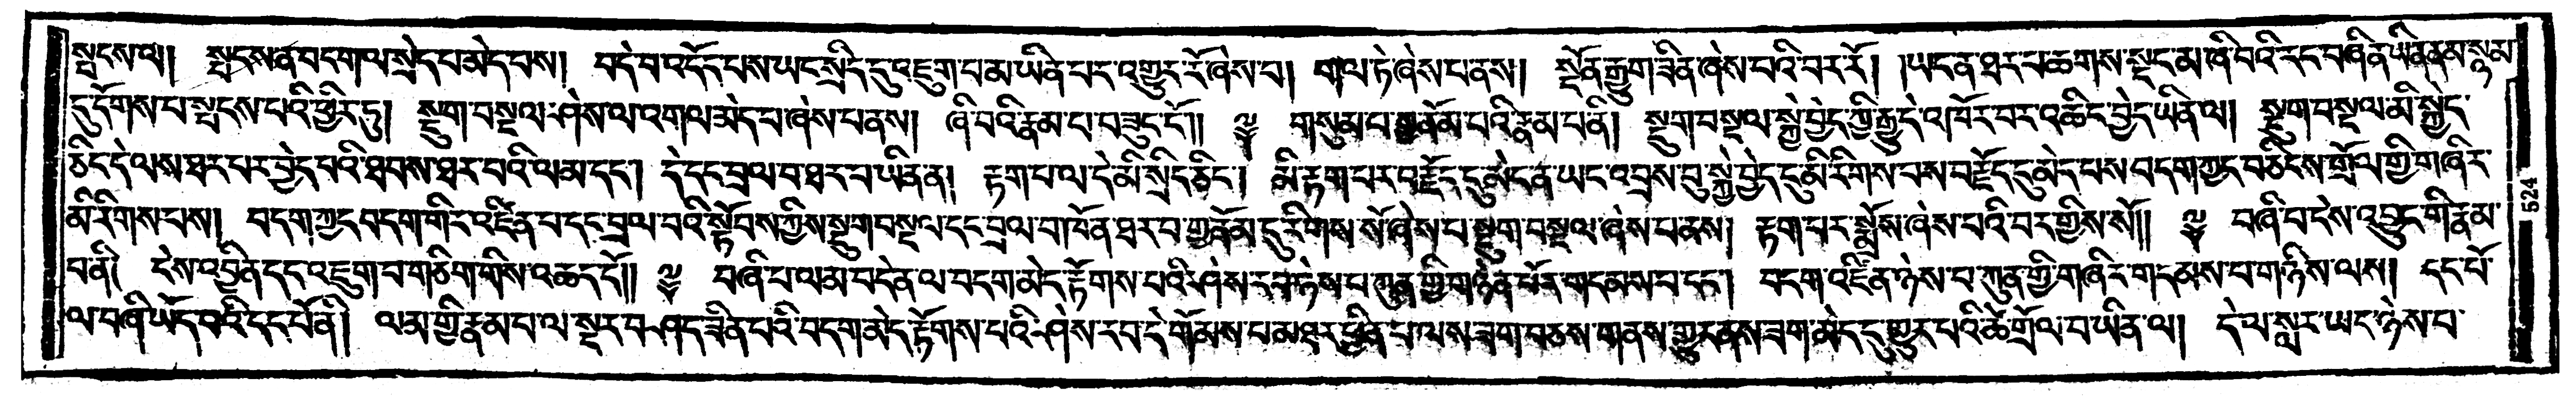སྤངས་ལ། སྤངས་ན་བདག་ལ་སྲེད་པ་མེད་པས། བདེ་བ་འདོད་པས་ཡང་སྲིད་དུ་འཇུག་པ་མ་ཡིན་པར་འགྱུར་རོ་ཞེས་པ། གལ་ཏེ་ཞེས་པ་ནས། སྔོན་རྒྱུག་ཟིན་ཞེས་པའི་བར་རོ། །ཡང་ན་ཐར་པ་ཆགས་སྡང་མ་ཞི་བའི་རང་བཞིན་ཡིན་ནམ་སྙམ་
དུ་དོགས་པ་སྤངས་པའི་ཕྱིར་ཏུ། སྡུག་བསྔལ་ཤེས་ལ་འགལ་མེད་པ་ཞེས་པ་ནས། ཞི་བའི་རྣམ་པ་བཟུང་ངོ།། ༈ གསུམ་པ་གྱ་ནོམ་པའི་རྣམ་པ་ནི། སྡུག་བསྔལ་སྐྱེ་བྱེད་ཀྱི་རྒྱུ་དེ་འཁོར་བར་འཆིང་བྱེད་ཡིན་ལ། སྡུག་བསྔལ་མི་སྐྱེད་
ཅིང་དེ་ལས་ཐར་པར་བྱེད་པའི་ཐབས་ཐར་པའི་ལམ་དང་། དེ་དང་བྲལ་བ་ཐར་པ་ཡིན་ན། རྟག་པ་ལ་དེ་མི་སྲིད་ཅིང་། མི་རྟག་པར་བརྗོད་དུ་མེད་ན་ཡང་འབྲས་བུ་སྐྱེ་བྱེད་དུ་མི་རིགས་པས་བརྗོད་དུ་མིད་པས་བདག་ཀྱང་བཅིངས་གྲོལ་གྱི་གཞིར་
མི་རིགས་པས། བདག་ཀྱང་བདག་གིར་འཛིན་པ་དང་བྲལ་བའི་སྟོབས་ཀྱིས་སྡུག་བསྔལ་དང་བྲལ་བ་ཁོ་ན་ཐར་པ་གྱ་ནོམ་དུ་རིགས་སོ་ཞེས་པ་སྡུག་བསྔལ་ཞེས་པ་ནས། རྟག་པར་སྨྲོས་ཞེས་པའི་བར་གྱིས་སོ།། ༈ བཞི་པ་ངེས་འབྱུང་གི་རྣམ་
པ་ནི། ངེས་འབྱིན་དང་འཇུག་པ་གཅིག་གིས་འཆད་དོ།། ༈ བཞི་པ་ལམ་བདེན་ལ་བདག་མེད་རྟོགས་པའི་ཤེས་རབ་ཉེས་པ་ཀུན་གྱི་གཉེན་པོར་གདམས་པ་དང་། བདག་འཛིན་ཉེས་པ་ཀུན་གྱི་གཞིར་གདམས་པ་གཉིས་ལས། དང་པོ་
ལ་བཞི་ཡོད་པའི་དང་པོ་ནི། ལམ་གྱི་རྣམ་པ་ལ་སྔར་བཤད་ཟིན་པའི་བདག་མེད་རྟོགས་པའི་ཤེས་རབ་དེ་གོམས་པ་མཐར་ཕྱིན་པ་ལས་ཟག་བཅས་གནས་གྱུར་ནས་ཟག་མེད་དུ་གྱུར་པའི་ཚེ་གྲོལ་བ་ཡིན་ལ། དེ་ལ་སླར་ཡང་ཉེས་པ་